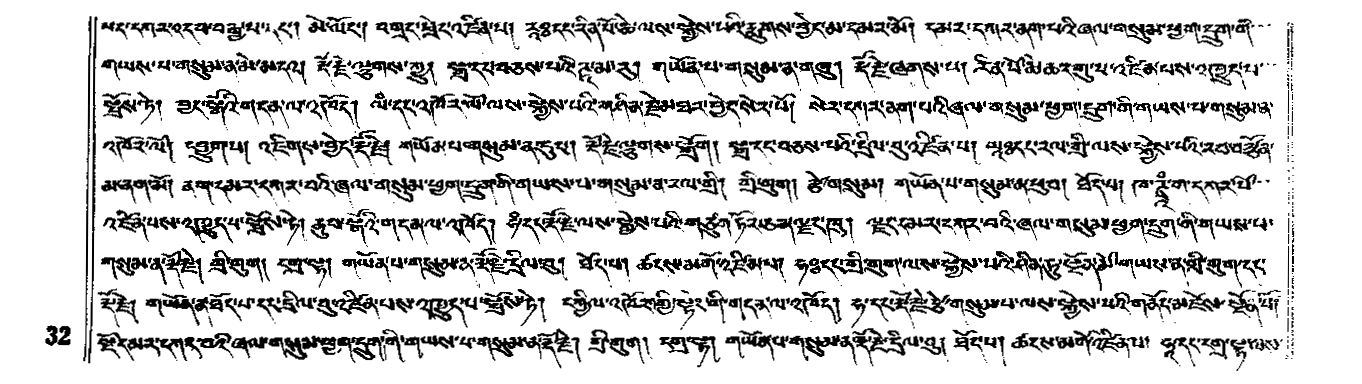པད་དཀར་འདབ་བརྒྱ་པ་དང་། མེ་ལོང་། བགྲང་ཕྲེང་འཛིན་པ། རཱཿ དང་རིན་པོ་ཆེ་ལས་སྐྱེས་པའི་རྨུགས་བྱེད་མ་དམར་མོ། དམར་དཀར་ནག་པའི་ཞལ་གསུམ་ཕྱག་དྲུག་གི་
གཡས་པ་གསུམ་ན་མེ་མདའ། རྡོ་རྗེ་ལྕགས་ཀྱུ། སྒྲ་དང་བཅས་པའི་ཌཱ་མ་རུ། གཡོན་པ་གསུམ་ན་གཞུ། རྡོ་རྗེ་ཞགས་པ། རིན་པོ་ཆེ་ཆ་དགུ་པ་འཛིན་པས་འཁྱུད་པ་
སྤྲོས་ཏེ། བྱང་སྒོའི་གདན་ལ་འཁོད། ལཾ་དང་འཁོར་ལོ་ལས་སྐྱེས་པའི་གཤིན་རྗེ་མཐར་བྱེད་སེར་པོ། སེར་དཀར་ནག་པའི་ཞལ་གསུམ་ཕྱག་དྲུག་གི་གཡས་པ་གསུམ་ན་
འཁོར་ལོ། དབྱུག་པ། འཇིགས་བྱེད་རྡོ་རྗེ། གཡོན་པ་གསུམ་ན་དུང་། རྡོ་རྗེ་ལྕགས་སྒྲོག། སྒྲ་དང་བཅས་པའི་དྲིལ་བུ་འཛིན་པ། ཡཱཿ དང་རལ་གྲི་ལས་སྐྱེས་པའི་རབ་བརྩོན་
མ་ནག་མོ། ནག་དམར་དཀར་བའི་ཞལ་གསུམ་ཕྱག་དྲུག་གི་གཡས་པ་གསུམ་ན་རལ་གྲི། གྲི་གུག། རྩེ་གསུམ། གཡོན་པ་གསུམ་ན་ཕུབ། ཐོད་པ། ཁ་ཌྭཱཾ་ག་དཀར་པོ་
འཛིན་པས་འཁྱུད་པ་སྤྲོས་ཏེ། ནུབ་སྒོའི་གདན་ལ་འཁོད། ཧཾ་དང་རྡོ་རྗེ་ལས་སྐྱེས་པའི་གཙུག་ཏོར་ཅན་ལྗང་ཁུ། ལྗང་དམར་དཀར་བའི་ཞལ་གསུམ་ཕྱག་དྲུག་གི་གཡས་པ་
གསུམ་ན་རྡོ་རྗེ། གྲི་གུག། དགྲ་ལྟ། གཡོན་པ་གསུམ་ན་རྡོ་རྗེ་དྲིལ་བུ། ཐོད་པ། ཚངས་མགོ་འཛིན་པ། ཧཿ དང་གྲི་གུག་ལས་སྐྱེས་པའི་ཤིན་ཏུ་སྔོན་མོ་གཡས་ན་གྲི་གུག་དང་
རྡོ་རྗེ། གཡོན་ན་ཐོད་པ་དང་དྲིལ་བུ་འཛིན་པས་འཁྱུད་པ་སྤྲོས་ཏེ། དཀྱིལ་འཁོར་གྱི་སྟེང་གི་གདན་ལ་འཁོད། ཧ་དང་རྡོ་རྗེ་རྩེ་གསུམ་པ་ལས་སྐྱེས་པའི་གནོད་མཛེས་སྔོན་པོ།
སྔོ་དམར་དཀར་བའི་ཞལ་གསུམ་ཕྱག་དྲུག་གི་གཡས་པ་གསུམ་ན་རྡོ་རྗེ། གྲི་གུག། དགྲ་སྟ། གཡོན་པ་གསུམ་ན་རྡོ་རྗེ་དྲིལ་བུ། ཐོད་པ། ཚངས་མགོ་འཛིན་པ། ཧཱ་དང་དགྲ་སྟ་ལས་